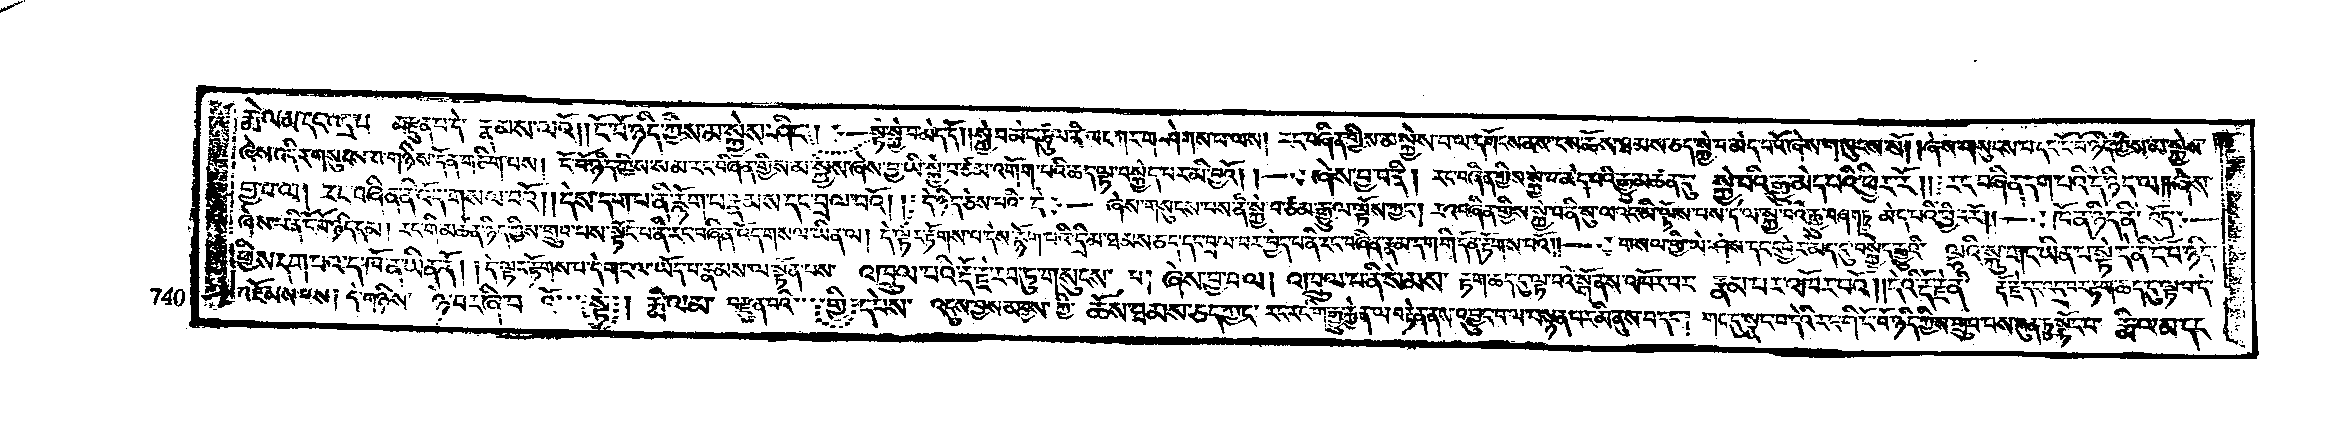རྨི་ལམ་དང་འདྲ་བར་བརྫུན་པ་དེ་རྣམས་ལའོ། །ངོ་བོ་ཉིད་ཀྱིས་མ་སྐྱེས་ཤིང་། H.་སྟེ་སྐྱེ་བ་མེད་དོ། །སྐྱེ་བ་མེད་ཚུལ་ནི་ལང་ཀར་གཤེགས་པ་ལས། རང་བཞིན་གྱིས་མ་སྐྱེས་པ་ལ་དགོངས་ནས་ངས་ཆོས་ཐམས་ཅད་སྐྱེ་བ་མེད་པའོ་ཞེས་གསུངས་སོ། །ཞེས་གསུངས་པ་དང་ངོ་བོ་ཉིད་ཀྱིས་མ་སྐྱེས་
ཞེས་འདིར་གསུངས་པ་གཉིས་དོན་གཅིག་པས། ངོ་བོ་ཉིད་ཀྱིས་སམ་རང་བཞིན་གྱིས་མ་སྐྱེས་ཞེས་བྱ་ཡི་སྐྱེ་བ་ཙམ་འགོག་པའི་ཆད་ལྟ་བསྐྱེད་པར་མི་བྱའོ།། .H ཞེས་བྱ་བ་ནི། རང་བཞིན་གྱིས་སྐྱེ་བ་མེད་པའི་རྒྱུ་མཚན་དུ་སྐྱེ་བའི་རྒྱུ་མེད་པའི་ཕྱིར་རོ། །རང་བཞིན་དག་པའི་དེ་ཉིད་ལ། །ཞེས་
བྱ་བ་ལ་རང་བཞིན་ནི་འོད་གསལ་བའོ། །དེས་དག་པ་ནི་རྙོག་པ་རྣམས་དང་བྲེལ་བའོ། ། དེ་ཉིད་ཅེས་པའི་དེ་H.་ཞེས་གསུངས་པས་ནི་སྐྱེ་བ་ཙམ་རྒྱུ་ལ་ལྟོས་ཀྱང་། རང་བཞིན་གྱིས་སྐྱེ་བ་ནི་སུ་ལའང་མི་ལྟོས་པས་དེ་ལ་སྐྱེ་བའི་རྒྱུ་བཞག་ཏུ་མེད་པའི་ཕྱིར་རོ།། .H ཁོ་ན་ནི་འོད་H.
ཞེས་པ་ནི་ངོ་བོ་ཉིད་དམད། རང་གི་མཚན་ཉིད་ཀྱིས་གྲུབ་པས་སྟོང་པ་ནི་རང་བཞིན་འོད་གསླ་ཡིན་ལ། དེ་ལྟར་རྟོགས་པ་དེས་རྙོག་པའི་དྲི་མ་ཐམས་ཅད་དང་བྲལ་བར་བྱེད་པ་ནི་རང་བཞིན་རྣམ་དག་གི་དོན་རྟོགས་པའོ།། .Hགསལ་གྱི་ཡེ་ཤེས་དང་དབྱེར་མེད་དུ་བསྐྱེད་རྒྱུའི་ལྷའི་སྐུ་གང་ཡིན་པ་སྟེ་དེ་ནི་ངོ་བོ་ཉིད་
ཀྱིས་དག་པའི་དེ་ཁོ་ན་ཡིན་ནོ། ། དེ་ལྟར་རྟགས་པ་དེ་གང་ལ་ཡོད་པ་རྣམས་ལ་སྟོན་པས་འཁྲུལ་པའི་རྡོ་རྗེ་རབ་ཏུ་གསུངས་པ།  ཞེས་བྱ་བ་ལ། འཁྲུལ་པ་ནི་སེམས་རྟག་ཆད་དུ་ལྟ་བའི་སྒོ་ནས་འཁོར་པར་རྣམ་པར་འཁོར་བའོ། །དེའི་རྡོ་རྗེ་ནི་རྡོ་རྗེ་དང་འདྲ་བར་རྟག་ཆད་དུ་ལྟ་བ་དེ་
འཇོམས་པས། དེ་གཉིས་ཉེ་བར་ཞི་བའོ་སྟེ། རྨི་ལམ་བརྫུན་པའི་གྱི་དཔེས་འདུས་བྱས་མ་བྱས་ཀྱི་ཆོས་ཐམས་ཅད་ཀྱང་རང་རང་གི་རྒྱུ་རྐྱེན་ལ་བརྟེན་ནས་འབྱུང་བ་ལ་བསྙན་པར་མི་ནུས་པ་དང་། གང་དུ་སྣང་བ་དེའི་རང་གི་ངོ་བོ་ཉིད་ཀྱིས་གྲུབ་པས་ཀུན་ཏུ་སྟོང་པ་རྨི་ལམ་དང་